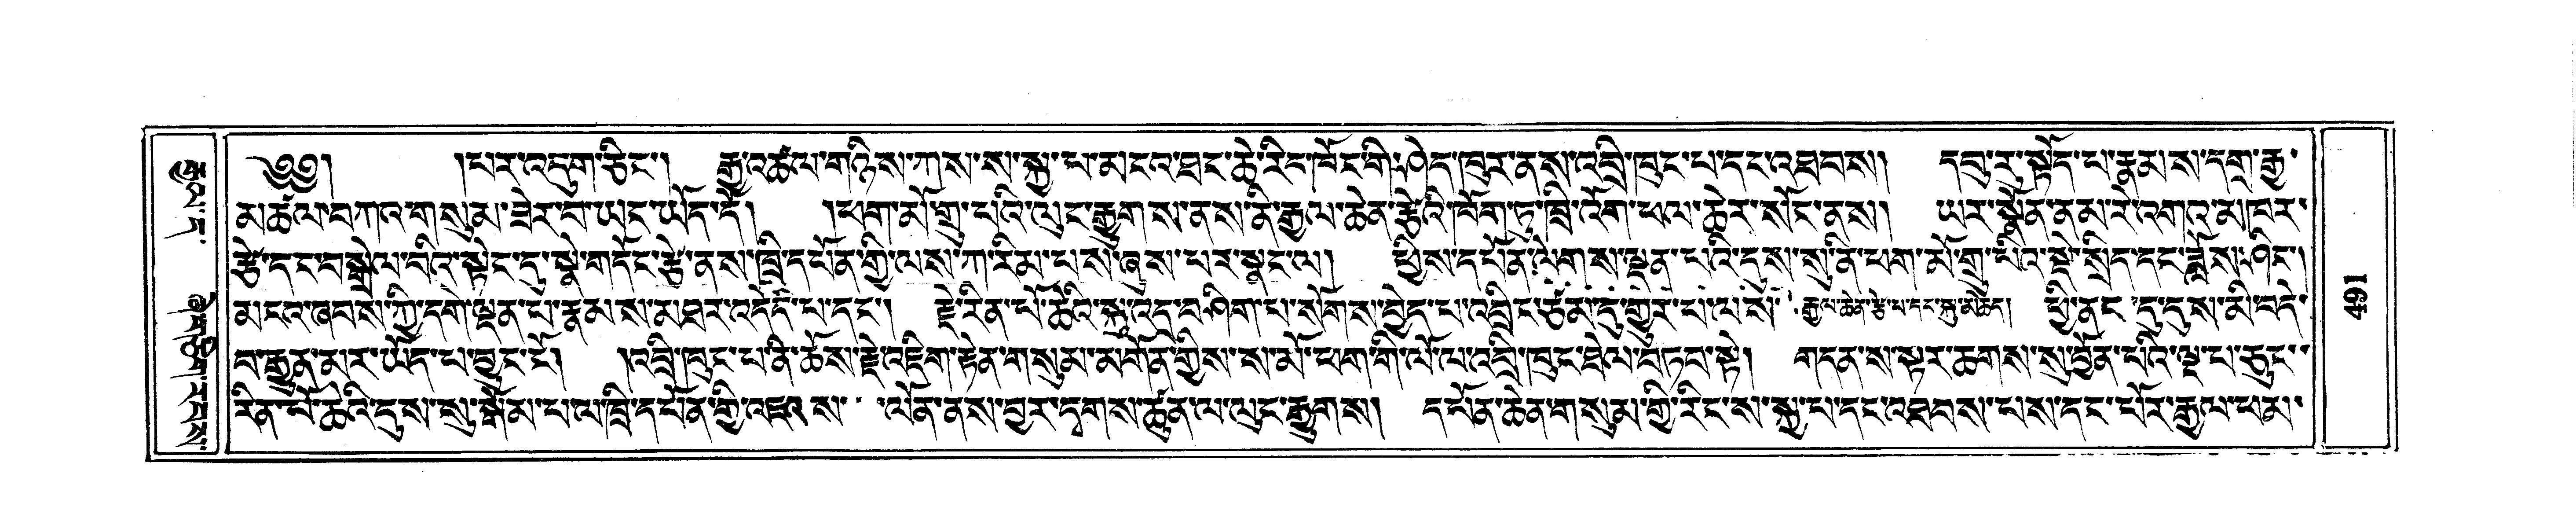༄༅། །པར་འདུག་ཅིང་། རྒྱ་འཚལ་གཉིས་ཀས་ས་སྐྱ་པ་མངའ་ཐང་ཆེ་རིང་ཁོང་གི་ཤེད་ཁུར་ནས་འབྲི་ཁུང་པ་དང་འཐབས། དབུ་རུ་སྟོད་པ་རྣམས་དགྲ་རྒྱ་
མཚལ་བཀའ་གསུམ་ཟེར་བ་ཡང་ཡོད་དོ། །ཕག་མོ་གྲུ་པའི་ལུང་རྒྱུགས་ནས་ནི་རྒྱལ་ཆེན་རྩེའི་ཁོག་ཏུ་ཁྲི་འོག་ཕལ་ཆེར་སོང་ནས། ཡར་སྣོན་ནམ་རེ་འགའ་མཁར་
རྩེ་དང་བསྒྲེལ་བའི་སྟེང་དུ་སྣེ་གདོང་རྩེ་ནས་ཁྲི་དཔོན་གྱི་ལས་ཀ་རིམ་པས་ཞུས་པར་སྣང་ལ། ཕྱིས་དཔོན་ལེགས་ལྡན་པའི་དུས་སུ་ནི་ཕག་མོ་གྲུ་པའི་སྡེ་སྲིད་དང་ཟློས་ཤིང་།
མངའ་ཞབས་ཀྱི་དགེ་ལྡན་པ་རྣམས་མཐར་འདོད་པ་དང་། རྗེ་རིན་པོ་ཆེའི་སྐུ་འདྲ་བཤིག་པ་སོགས་བྱེད་པ་འབྲིང་ཙམ་དུ་གྱུར་པ་ལས་རྒྱལ་ཆེན་རྩེ་པ་དང་སྐུ་མཆེད།  ཕྱི་ནང་དུ་དུས་མི་བདེ་
བ་རྒྱུན་མར་ཡོད་པ་བྱུང་ངོ། །འབྲི་ཁུང་པ་ནི་ཆོས་རྗེ་འཇིག་རྟེན་གསུམ་མགོན་གྱིས་ས་མོ་ཕག་གི་ལོ་ལ་འབྲི་ཁུང་ཐེལ་བཏབ་སྟེ། གདན་ས་སྟར་ཆགས་སུ་བྱོན་པའི་ལྔ་པ་ཅུང་
རིན་པོ་ཆེའི་དུས་སུ་སྒོམ་པ་ལ་ཁྲི་དཔོན་གྱི་འཇའ་ས་ལོན་ནས་བྱར་དྭགས་ཚུན་ལ་ལུང་རྒྱུགས། དཔོན་ཆེན་གསུམ་གྱི་རིང་ས་སྐྱ་པ་དང་འཐབས་པས་དང་པོར་རྒྱལ་ཕམ་